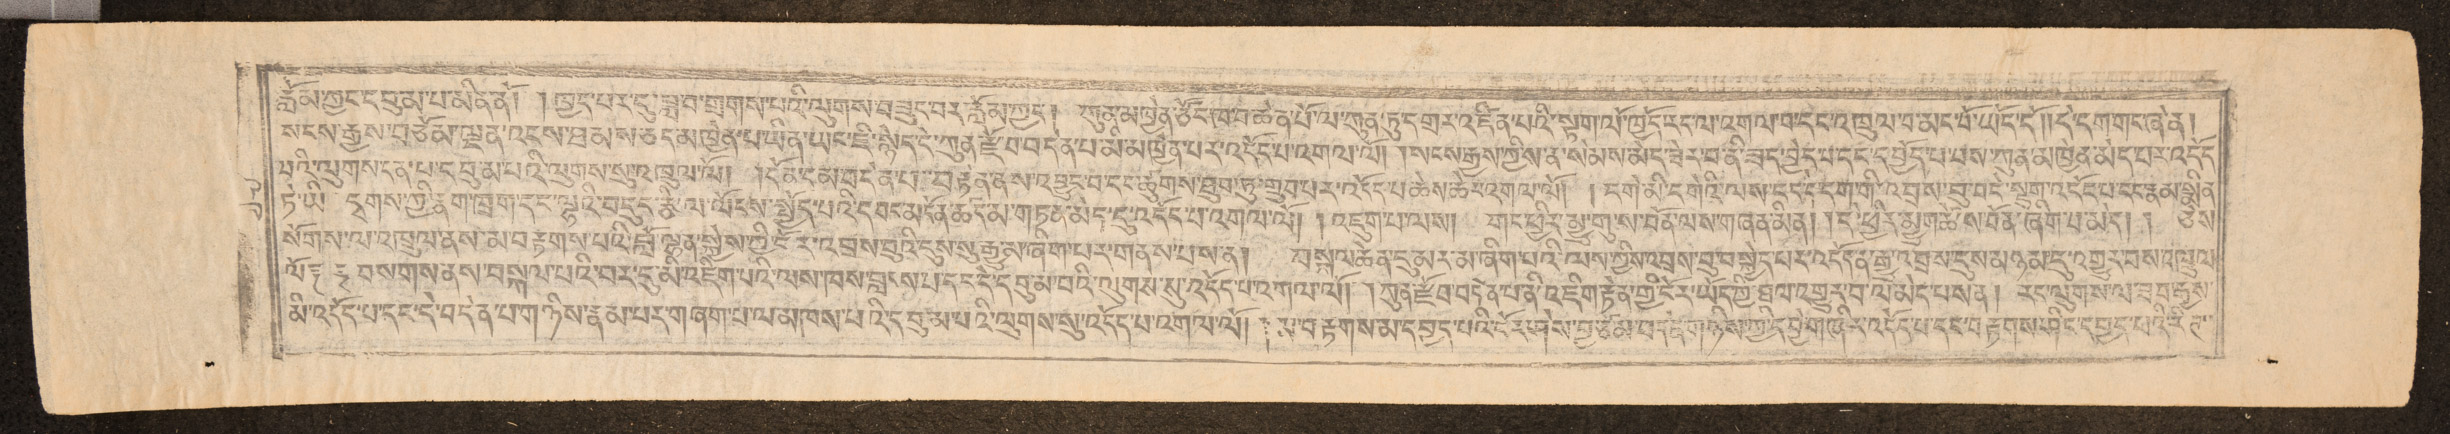རློམ་ཀྱང་དབུ་མ་པ་མིན་ནོ། །ཁྱད་པར་དུ་ཟླ་བ་གྲགས་པའི་ལུགས་བཟུང་བར་རློམ་ཀྱང་། ཀུན་མཁྱེན་ཙོང་ཁ་པ་ཆེན་པོ་ལ་ཀུན་ཏུ་དགྲར་འཛིན་པའི་སྟག་ལོ་ཁྱོད་རང་ལ་འགལ་བ་དང་འཁྲུལ་བ་མང་པོ་ཡོད་དོ། །དེ་དག་གང་ཞེ་ན།
སངས་རྒྱས་བཅོམ་ལྡན་འདས་ཐམས་ཅད་མཁྱེན་པ་ཡིན་ཡང་ཇི་སྙེད་དེ་ཀུན་རྫོབ་བདེན་པ་མི་མཁྱེན་པར་འདོད་པ་འགལ་ལོ། །སངས་རྒྱས་ཀྱིས་ན་སེམས་མེད་ཟེར་བ་ནི་ཟད་བྱེད་པ་དང་དཔྱོད་པ་པས་ཀུན་མཁྱེན་མེད་པར་འདོད་
པའི་ལུགས་ངན་པ་དབུ་མ་པའི་ལུགས་སུ་འཁྲུལ་ལོ། །དོན་དམ་བདེན་པ་བརྟེན་ནས་འབྱུང་བ་དང་ཚུགས་ཐུབ་ཏུ་གྲུབ་པར་འདོད་པ་ཆེས་ཆེར་འགལ་ལོ། །དགེ་མི་དགེའི་ལས་དེ་དག་གི་འབྲས་བུ་བདེ་སྡུག་འདོད་པ་དང་རྣམ་སྨིན་
ཏེ་ཡི་དྭགས་ཀྱི་རྣག་ཁྲག་དང་ལྷའི་བདུད་རྩི་ལ་ལོངས་སྤྱོད་པའི་དབང་མངོན་ཚད་མ་གཏན་མེད་དུ་འདོད་པ་འགལ་ལོ། །འཇུག་པ་ལས། གང་ཕྱིར་མྱུ་གུ་ས་བོན་ལས་གཞན་མིན། །དེ་ཕྱིར་མྱུག་ཚེས་བོན་ཞིག་པ་མེད། །ཅེས་
སོགས་ལ་འཁྲུལ་ནས་མ་བརྟགས་པའི་བློ་ལྷན་སྐྱེས་ཀྱི་ངོར་འབྲས་བུའི་དུས་སུ་རྒྱུ་མ་ཞིག་པར་གནས་པས་ན། བསྐལ་ཆེན་དུ་མར་མ་ཞིག་པའི་ལས་ཀྱིས་འབྲས་བུ་བསྐྱེད་པར་འདོད་ན་རྒྱུ་འབྲས་དུས་མཉམ་དུ་འགྱུར་བས་འཁྲུལ་
ལོ༑ ༑བསགས་ནས་བསྐལ་པའི་བར་དུ་མི་འཇིག་པའི་ལས་ཁས་བླངས་པ་དང་དེ་དབུ་མ་བའི་ལུགས་སུ་འདོད་པ་འགལ་ལོ། །ཀུན་རྫོབ་བདེན་པ་ནི་འཇིག་རྟེན་གྱི་ངོར་ཡིད་ཀྱི་ཐལ་འགྱུར་བ་ལ་མེད་པས་ན། རང་ལུགས་ལ་ཟབ་རྒྱས་
མི་འདོད་པ་དང་དེ་བདེན་པ་གཉིས་རྣམ་པར་གཞག་པ་ལ་མཁས་པའི་དབུ་མ་པའི་ལུགས་སུ་འདོད་པ་འགལ་ལོ། །མ་བརྟགས་མ་དབྱད་པའི་ངོར་ཤེས་བྱ་ཙམ་བདེན་གཉིས་ཀྱི་དབྱེ་གཞིར་འདོད་པ་དང་བརྟགས་ཤིང་དབྱད་པའི་རིགས་